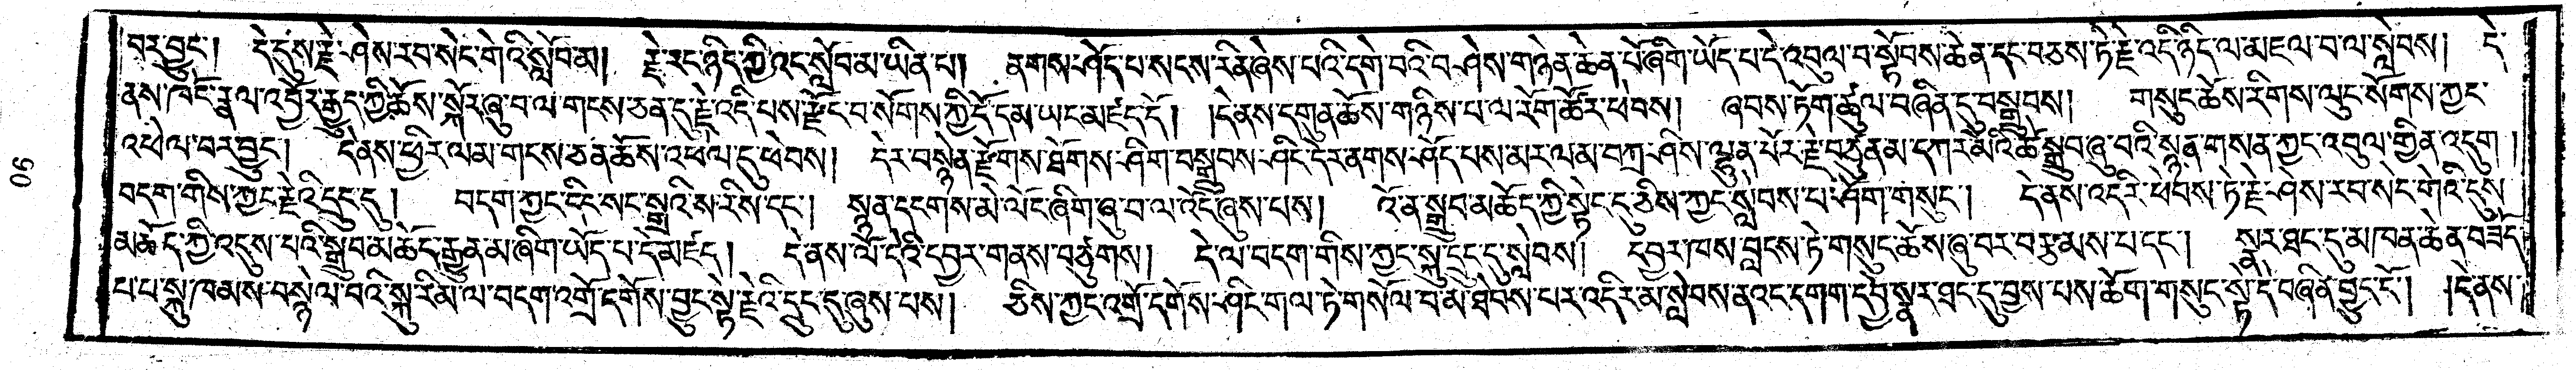བར་བྱུང་། དེ་དུས་རྗེ་ཤེས་རབ་སེང་གེའི་སློབ་མ། རྗེ་རང་ཉིད་ཀྱིའང་སློབ་མ་ཡིན་པ། ནགས་ཤོད་པ་སངས་རིན་ཞེས་པའི་དགེ་བའི་བཤེས་གཉེན་ཆེན་པོ་ཞིག་ཡོད་པ་དེ་འབུལ་བ་སྟོབས་ཆེན་དང་བཅས་ཏེ་རྗེ་འདི་ཉིད་ལ་མཇལ་བ་ལ་སླེབས། དེ་
ནས་ཁོང་རྣལ་འབྱོར་རྒྱུད་ཀྱི་ཆོས་སྐོར་ཞུ་བ་ལ་གངས་ཅན་དུ་རྗེ་འདི་པས་རྫོང་བ་སོགས་ཀྱི་དོ་དམ་ཡང་མཛད་དོ། །དེ་ནས་དགུན་ཆོས་གཉིས་པ་ལ་རོག་ཚོར་ཕེབས། ཞབས་ཏོག་ཚུལ་བཞིན་དུ་བསྒྲུབས། གསུང་ཆོས་རིགས་ལུང་སོགས་ཀྱང་
འཕེལ་བར་བྱུང་། དེ་ནས་ཕྱིར་ལམ་གངས་ཅན་ཆོས་འཕེལ་དུ་ཕེབས། དེར་བསྙེན་རྫོགས་ཐོགས་ཤིག་བསྒྲུབས་ཤིང་དེར་ནགས་ཤོད་པས་མར་ལམ་བཀྲ་ཤིས་ལྷུན་པོར་རྗེ་བཙུན་མ་དཀར་མོའི་ཚེ་སྒྲུབ་ཞུ་བའི་སྙན་གསན་ཀྱང་འབུལ་གྱིན་འདུག །
བདག་གིས་ཀྱང་རྗེའི་དྲུང་དུ། བདག་ཀྱང་དིང་སང་སྒྲའི་ས་རིས་དང་། སྙན་དངགས་མེ་ལོང་ཞིག་ཞུ་བ་ལ་འོང་ཞུས་པས། འོ་ན་སྒྲུབ་མཆོད་ཀྱི་སྟེང་དུ་ཅིས་ཀྱང་སླེབས་པ་ཤོག་གསུང་། དེ་ནས་འདིར་ཕེབས་ཏེ་རྗེ་ཤེས་རབ་སེང་གེའི་དུས་
མཆོད་ཀྱི་འདུས་པའི་སྒྲུབ་མཆོད་རྒྱུན་མ་ཞིག་ཡོད་པ་དེ་མཛད། དེ་ནས་ལོ་དེའི་དབྱར་གནས་བཙུགས། དེ་ལ་བདག་གིས་ཀྱང་སྐུ་དྲུང་དུ་སླེབས། དབྱར་ཁས་བླངས་ཏེ་གསུང་ཆོས་ཞུ་བར་བརྩམས་པ་དང་། སྣར་ཐང་དུ་མཁན་ཆེན་བཟོད་
པ་པ་སྐུ་ཁམས་བསྙེལ་བའི་སྐུ་རིམ་ལ་བདག་འགྲོ་དགོས་བྱུང་སྟེ་རྗེའི་དྲུང་དུ་ཞུས་པས། ཅིས་ཀྱང་འགྲོ་དགོས་ཤིང་གལ་ཏེ་གསོལ་བ་མ་ཐེབས་པར་འདིར་མ་སླེབས་ནའང་དགག་དབྱེ་སྣར་ཐང་དུ་བྱས་པས་ཆོག་གསུང་སྟེ་དེ་བཞིན་བྱུང་ངོ། །དེ་ནས་